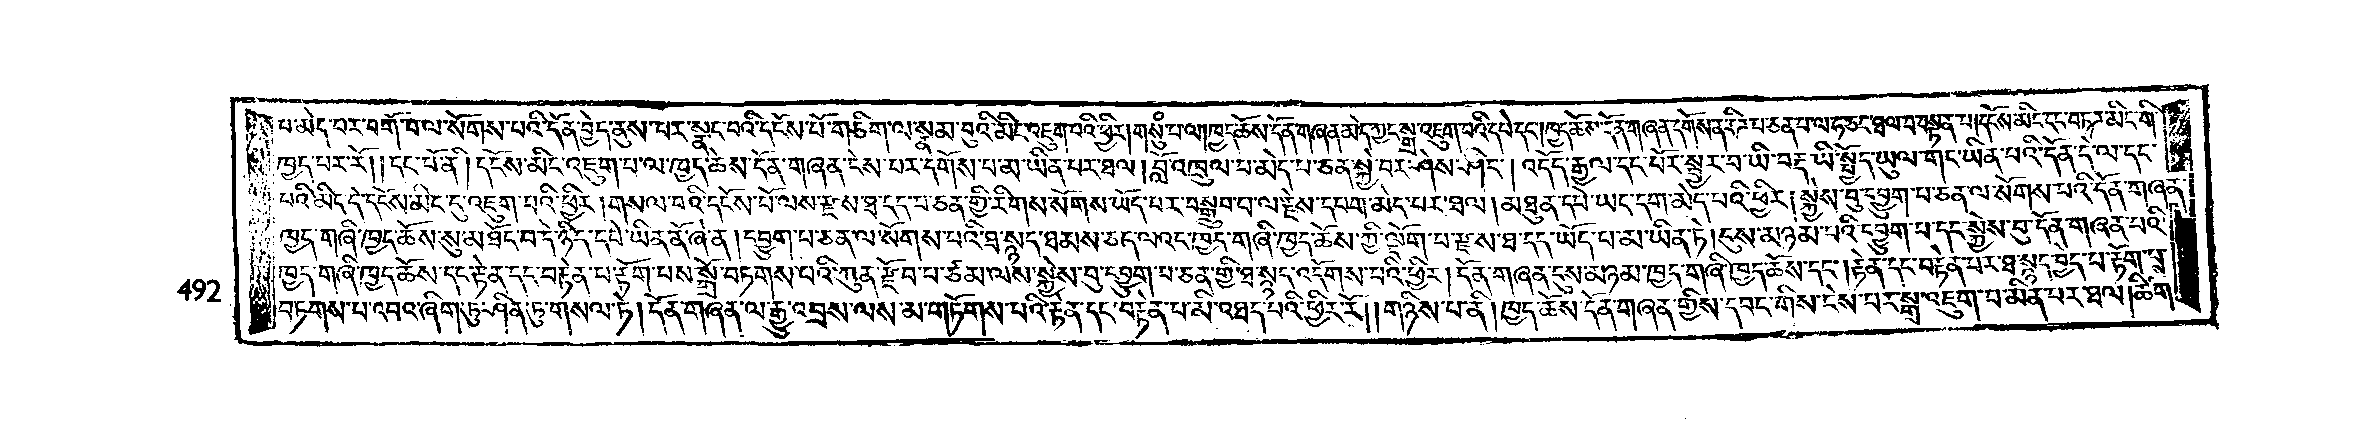པ་མེད་པར་བགོ་བ་ལ་སོགས་པའི་དོན་བྱེད་ནུས་པར་སྣང་བའི་དངོས་པོ་གཅིག་ལ་སྣམ་བུའི་མིང་འཇུག་པའི་ཕྱིར། གསུཾ་པ་ལ། ཁྱད་ཆོས་དོན་གཞན་མེད་ཀྱང་སྒྲ་འཇུག་པའི་དཔེ་དང་། ཁྱད་ཆོས་དོན་གཞན་དགོས་ན་རིཌ་པ་ཅན་པ་ལ་ཧ་ཅང་ཐལ་བ་བསྟན་པ། དངོས་མིང་དང་བཏཌ་མིང་གི་
ཁྱད་པར་རོ། །དང་པོ་ནི། དངོས་མིང་འཇུག་པ་ལ་ཁྱད་ཆེས་དོན་གཞན་ངེས་པར་དགོས་པ་མ་ཡིན་པར་ཐལ། བློ་འཁྲུལ་པ་མེད་པ་ཅན་སྐྱེ་བར་ཤེས་ཤིང་། འདོད་རྒྱལ་དང་པོར་སྦྱར་བ་ཡི་བརྡ་ཡི་སྤྱོད་ཡུལ་གང་ཡིན་པའི་དོན་དེ་ལ་དང་
པོའི་མིང་དེ་དངོས་མིང་དུ་འཇུག་པའི་ཕྱིར། གསལ་བའི་དངོས་པོ་ལས་རྫས་ཐ་དད་པ་ཅན་གྱི་རིགས་སོགས་ཡོད་པར་བསྒྲུབ་པ་ལ་རྗེས་དཔག་མེད་པར་ཐལ། མཐུན་དཔེ་ཡང་དག་མེད་པའི་ཕྱིར། སྐྱེས་བུ་དབྱུག་པ་ཅན་ལ་སོགས་པའི་དོན་གཞན་
ཁྱད་གཞི་ཁྱད་ཆོས་སུ་མཐོང་བ་དེ་ཉིད་དཔེ་ཡིན་ནོ་ཞེ་ན། དབྱུག་པ་ཅན་ལ་སོགས་པའི་ཐ་སྙད་ཐམས་ཅད་ལའང་ཁྱད་གཞི་ཁྱད་ཆོས་ལྡོག་པ་རྫས་ཐ་དད་ཡོད་པ་མ་ཡིན་ཏེ། དུས་མཉམ་པའི་དབྱུག་པ་དང་སྐྱེས་བུ་དོན་གཞན་པའི་
ཁྱད་གཞི་ཁྱད་ཆོས་དང་རྟེན་དང་བརྟེན་པ་རྟོག་པས་སྒྲོ་བཏགས་པའི་ཀུན་རྫོབ་པ་ཙམ་ལས་སྐྱེས་བུ་དབྱུག་པ་ཅན་གྱི་ཐ་སྙད་འདོགས་པའི་ཕྱིར། དོན་གཞན་དུས་མཉམ་ཁྱད་གཞི་ཁྱད་ཆོས་དང་།རྟེན་དང་བརྟེན་པར་ཐ་སྙད་བྱེད་པ་རྟོག་པས་
བཏགས་པ་འབའ་ཞིག་ཏུ་ཤིན་ཏུ་གསལ་ཏེ། དོན་གཞན་ལ་རྒྱུ་འབྲས་ལས་མ་གཏོགས་པའི་རྟེན་དང་བརྟེན་པ་མི་འཐད་པའི་ཕྱིར་རོ། །གཉིས་པ་ནི། ཁྱད་ཆོས་དོན་གཞན་གྱིས་དབང་གིས་ངེས་པར་སྒྲ་འཇུག་པ་མིན་པར་ཐལ། ཚིག་